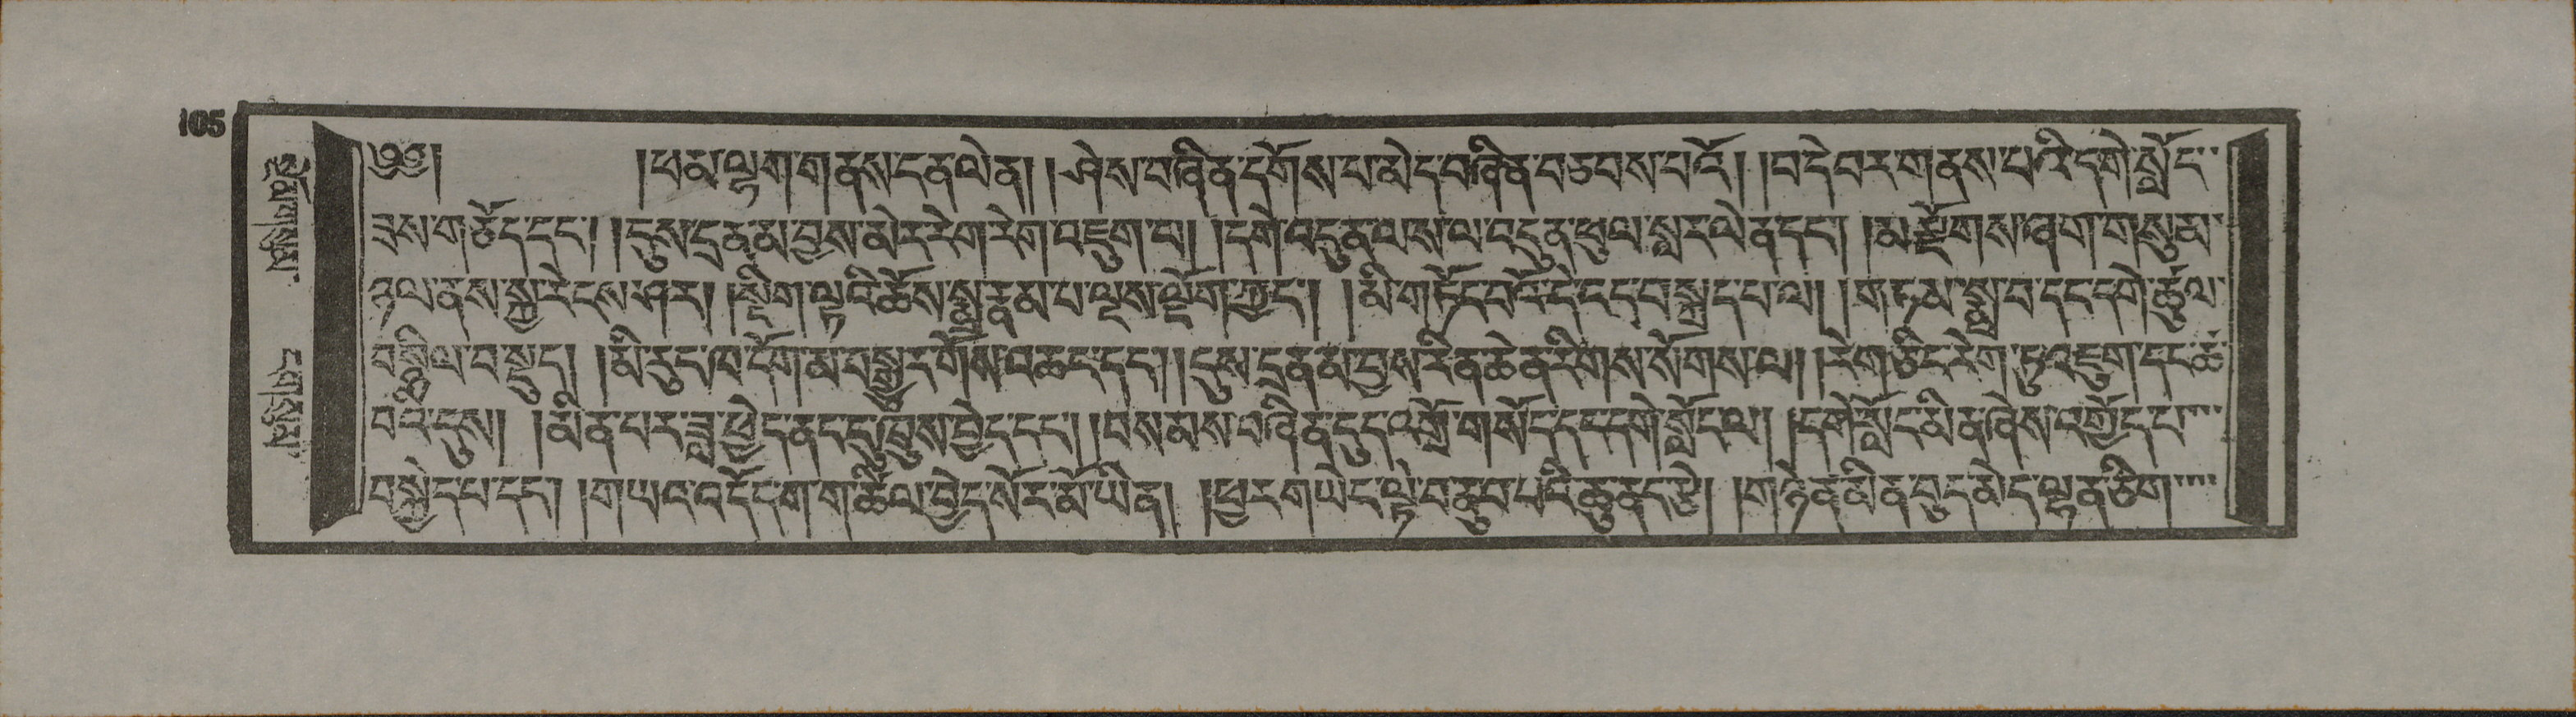༄༅། །ཕམ་ལྷག་གནས་ངན་ལེན། །ཤེས་བཞིན་དགོས་པ་མེད་བཞིན་བཅབས་པའོ། །བདེ་བར་གནས་པའི་དགེ་སློང་
ཟས་གཅོད་དང་། །དུས་དྲན་མ་བྱས་མེར་རེག་རེག་འཇུག་པ། །དགེ་འདུན་ལས་ལ་འདུན་ཕུལ་སླར་ལེན་དང་། །མ་རྫོགས་ཞག་གསུམ་
ཉལ་ནས་སྐྱ་རེངས་ཤར། །སྡིག་ལྟའི་ཆོས་སྨྲ་རྣམ་པ་ལྔས་ལྡོག་ཀྱང་། །མི་གཏོང་པའོ་དེ་འདྲ་བསྐྲད་པ་ལ། །གཏམ་སྨྲ་བ་དངྣྡྒེ་ཚུལ་
བསྙིལ་བ་སྡུད། །མི་རུང་ཁ་དོག་མ་བསྒྱུར་གོས་འཆང་དང་། །དུས་དྲན་མ་བྱས་རིན་ཆེན་རིགས་སོགས་ལ། །རེག་ཅིང་རེག་ཏུ་འཇུག་དང་ཚ་
བའི་དུས། །མིན་པར་ཟླ་ཕྱེད་ནང་དུ་ཁྲུས་བྱེད་དང་། །བསམས་བཞིན་དུད་འགྲོ་གསོད་དང་དགེ་སློང་ལ། །དགེ་སློང་མིན་ཞེས་འགྱོད་པ་
བསྐྱེད་པ་དང་། །གཡའ་འདོད་ག་ག་ཚིལ་བྱེད་སོར་མོ་ཡིན། །ཕྱར་གཡེང་ལྟེ་བ་ནུབ་པའི་ཆུ་ནང་རྩེ། །གཉེན་མིན་བུད་མེད་ལྷན་ཅིག་